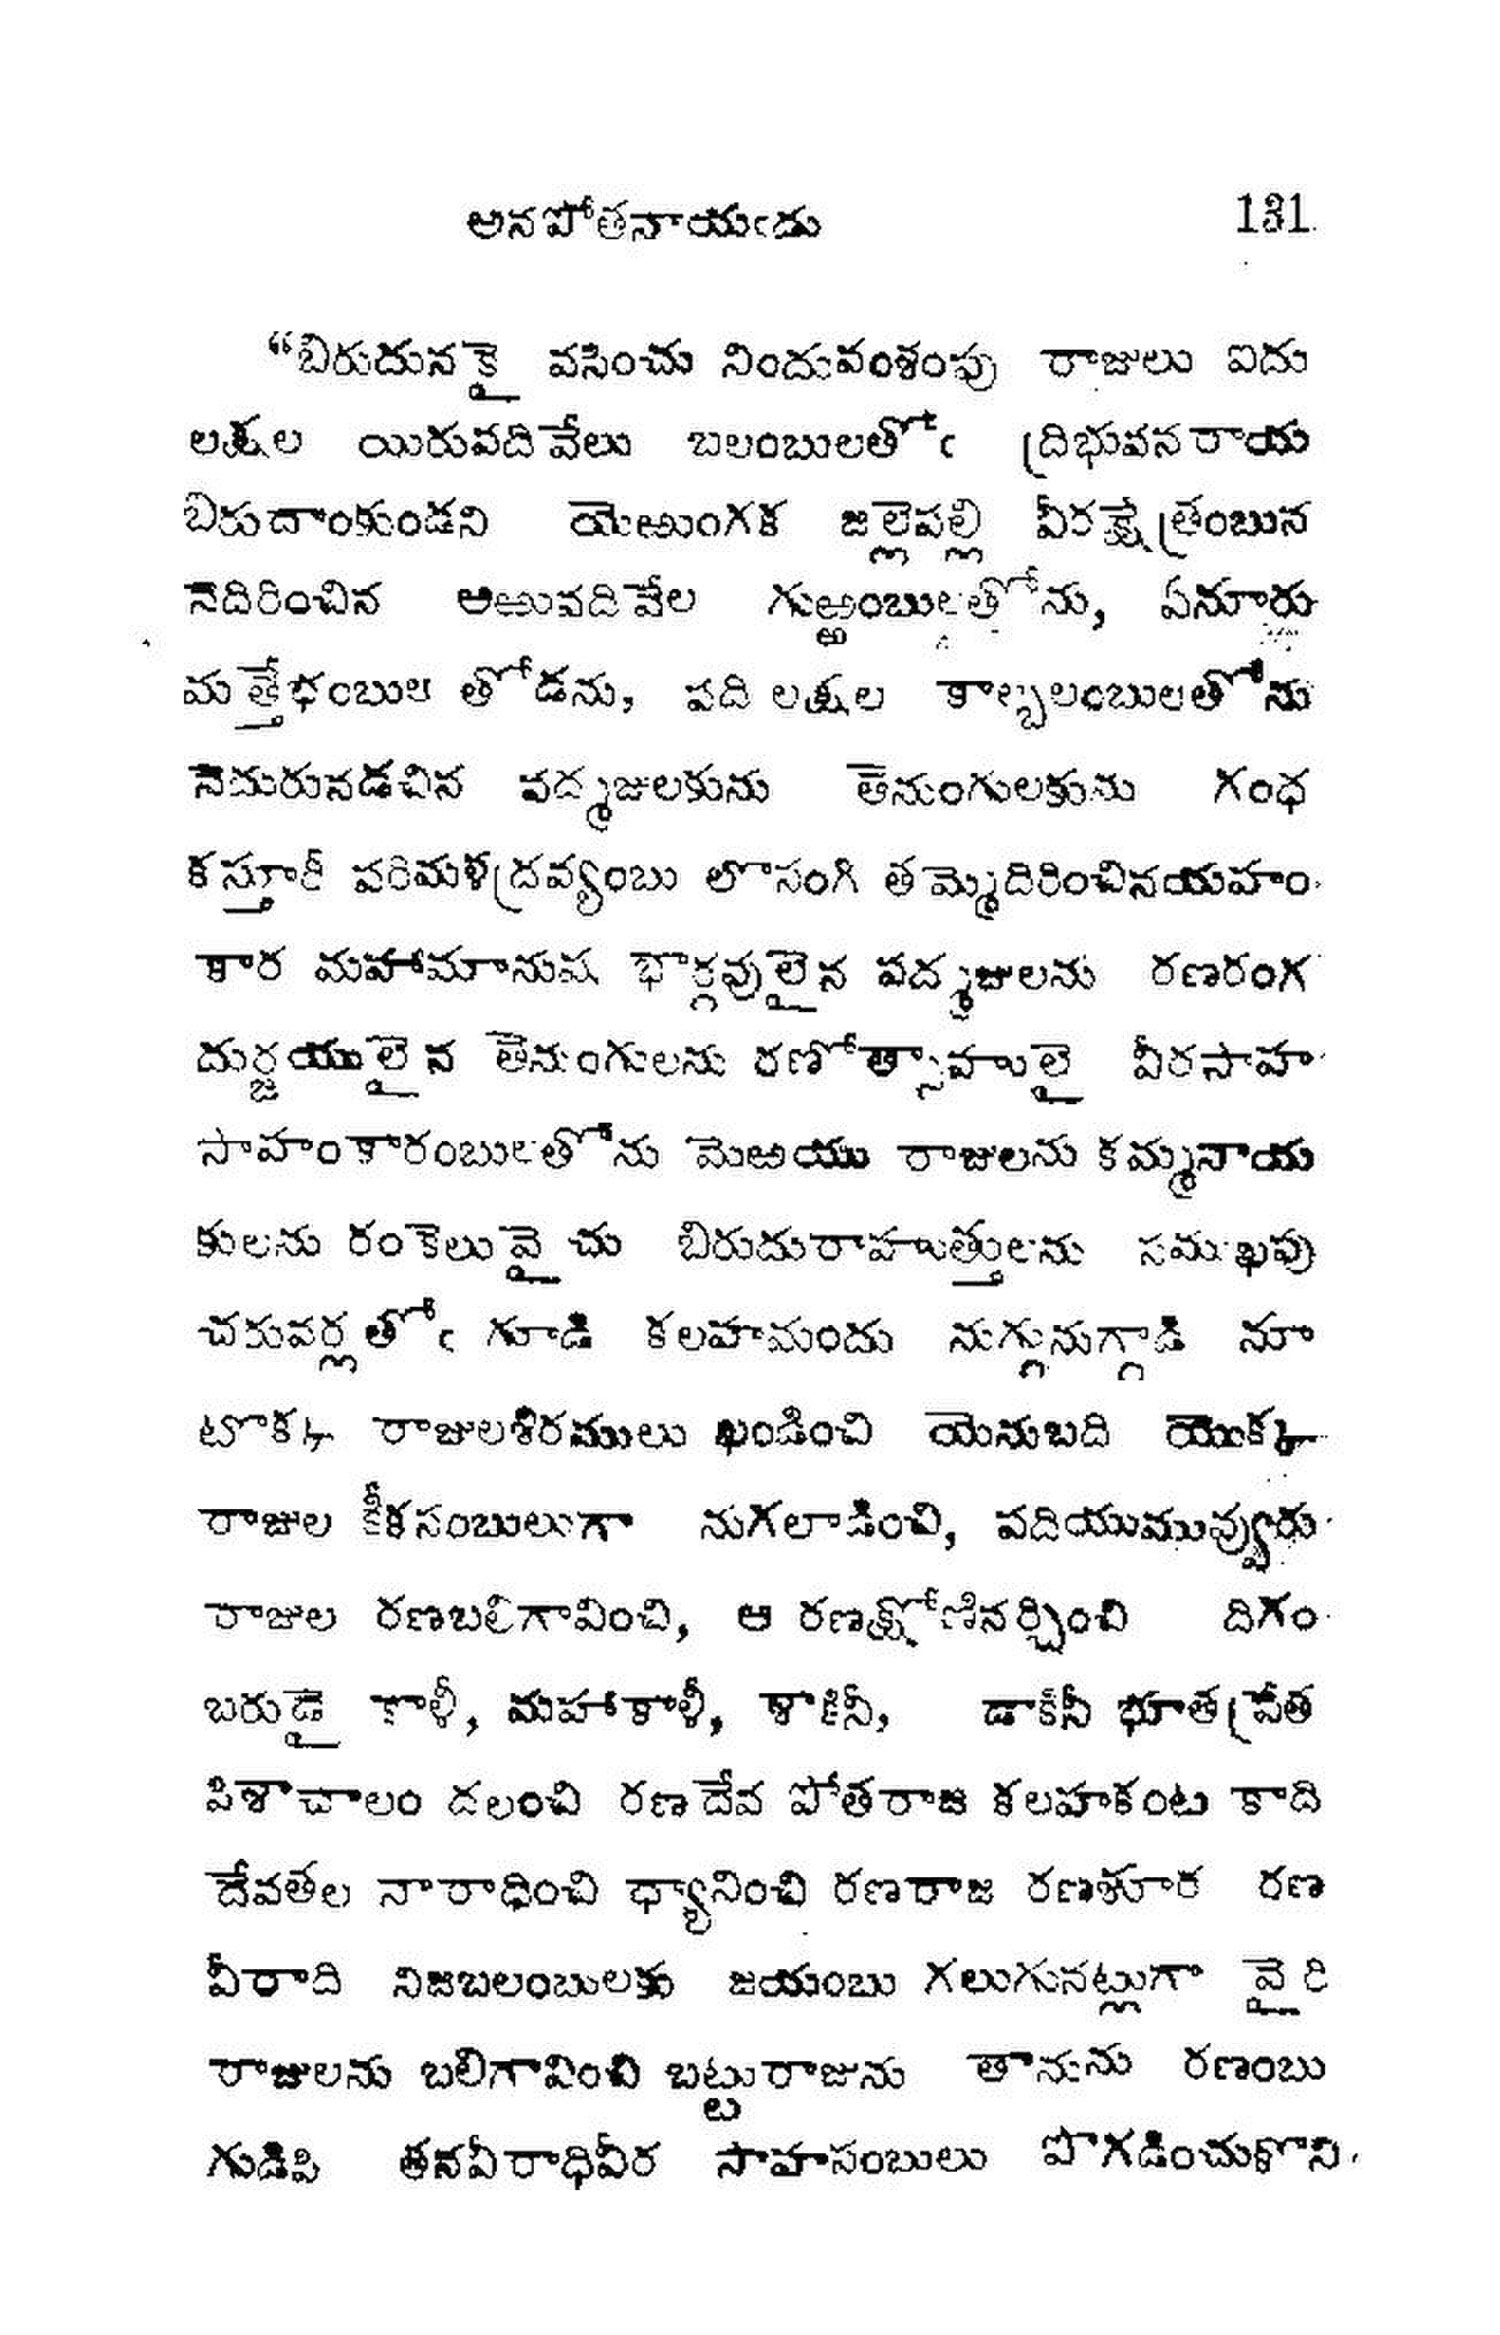"బిరుదునకై వసించు నిందువంశపు రాజులు ఐదులక్షల యిరువదివేలు బలంబులతో ద్రిభువనరాయ బిరుదాంకుండని యెఱుంగక జిల్లెపల్లి వీరక్షేత్రంబున నెదిరించిన అఱువదివేల గుఱ్ఱంబులతోను, ఏనూరు మత్తేభంబుల తోడను, పదిలక్షల కాల్బలంబులతోను నెదురునడచిన పద్మజులకును తెనుంగులకును గంధ కస్తూరీ పరిమళద్రవ్యంబు లొసంగి తమ్మెదిరించిన యహంకార మహామానుష భార్గవులైన పద్మజులను రణరంగ దుర్జయులైన తెనుంగులను రణోత్సాహులై వీరసాహ సాహంకారంబులతోను మెఱయు రాజులను కమ్మనాయకులను రంకెలువైచు బిరుదురాహుత్తులను సముఖపు చరుపర్లతో గూడి కలహమందు నుగ్గునుగ్గాడి నూటొక్క రాజులశిరములు ఖండించి యెనుబది యొక్క రాజుల కీకసంబులుగా నుగలాడించి, పదియుమువ్వురు రాజుల రణబలిగావించి, ఆ రణక్షోణినర్చించి దిగంబరుడై కాళీ, మహాకాళీ, శాకినీ, డాకినీ భూతప్రేత పిశాచాలం దలంచి రణదేవ పోతరాజ కలహకంట కాది దేవతల నారాధించి ధ్యానించి రణరాజ రణశూర రణవీరాది నిజబలంబులకు జయంబు గలుగునట్లుగా వైరిరాజులను బలిగావించి బట్టురాజును తానును రణంబు గుడిపి తనవీరాధివీర సాహసంబులు పొగడించుకొని